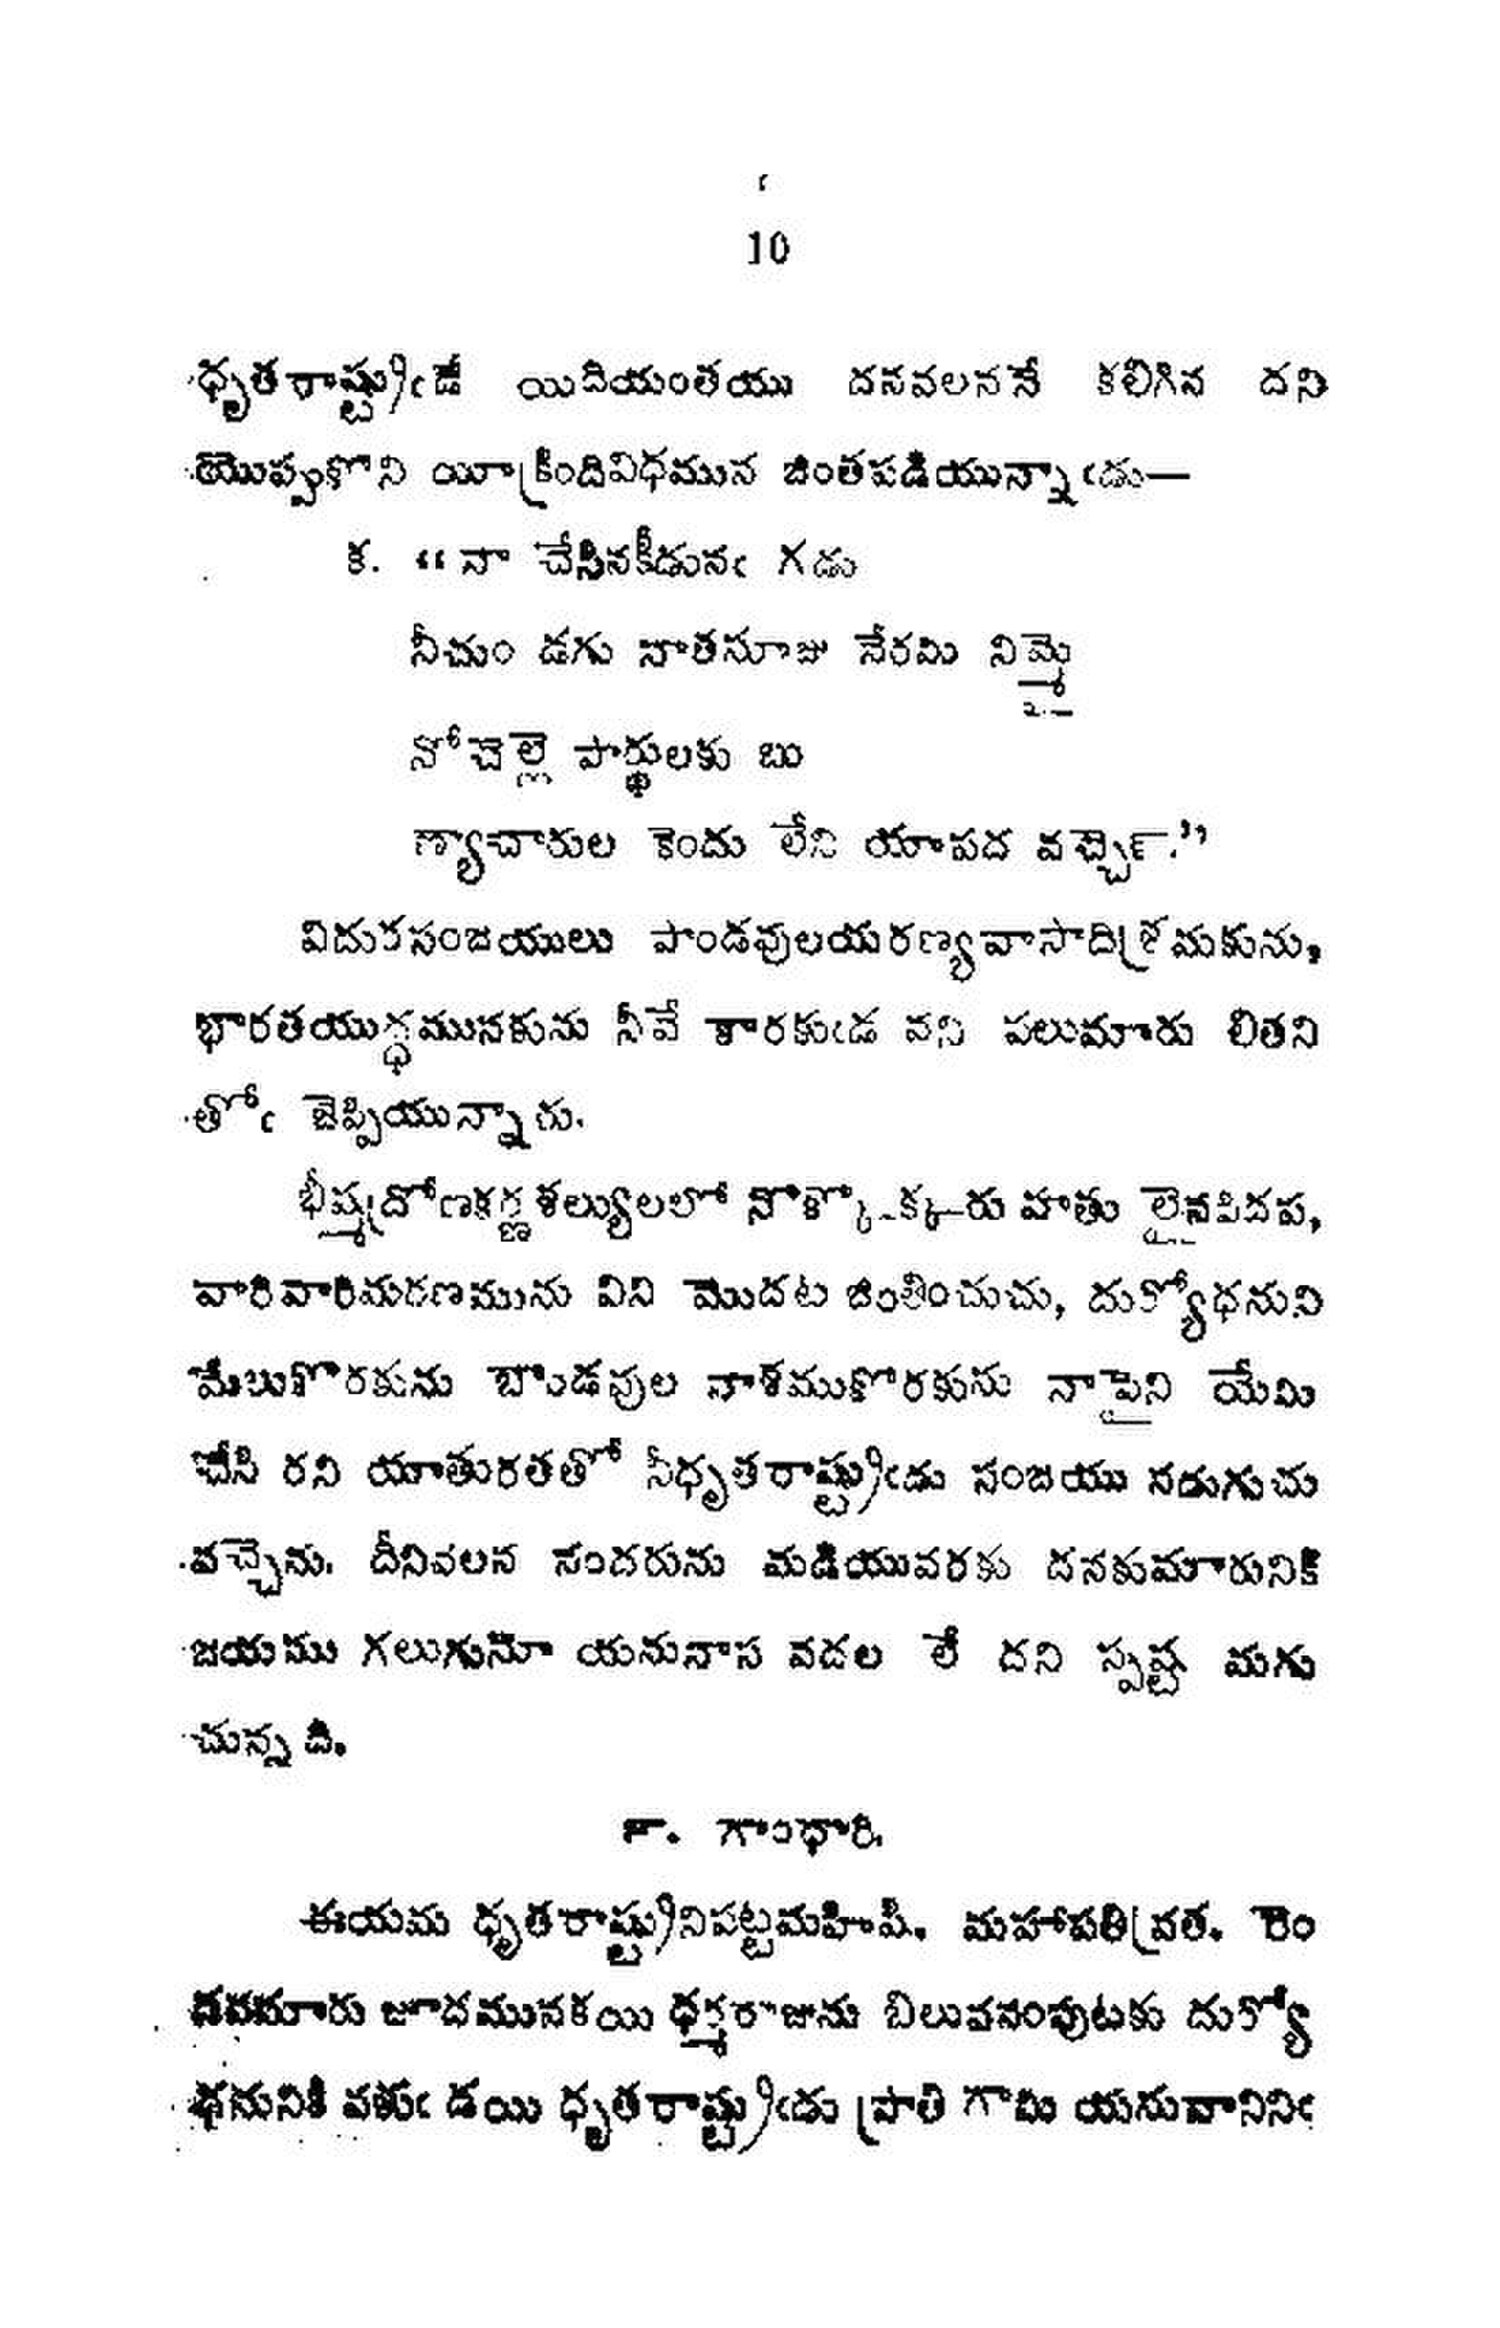ధృతరాష్ట్రుఁడే యిదియంతయు దనవలననే కలిగిన దని యొప్పుకొని యీక్రిందివిధమున జింతపడియున్నాఁడు-

క. "నా చేసినకీడునఁ గడు
 నీచుం డగు నాతనూజు నేరమి నిమ్తై
 నోచెల్లె పార్థులకు బు
 ణ్యాచారుల కెందు లేని యాపద వచ్చెన్."
విదురసంజయులు పాండవులయరణ్యవాసాదిశ్రమకును, భారతయుద్ధమునకును నీవే కారకుఁడ వని పలుమారు లితనితోఁ జెప్పియున్నారు.

భీష్మద్రోణకర్ణశల్యులలో నొక్కొక్కరు హతు లైనపిదప, వారివారిమరణమును విని మొదట జింతించుచు, దుర్యోధనుని మేలుకొరకును బాండవుల నాశముకొరకును నాపైని యేమి చేసి రని యాతురతతో నీధృతరాష్ట్రుఁడు సంజయు నడుగుచు వచ్చెను. దీనివలన నందరును మడియువరకు దనకుమారునికి జయము గలుగునో యనునాస వదల లే దని స్పష్ట మగు చున్నది.

ఈయమ ధృతరాష్ట్రునిపట్టమహిషి, మహాపతివ్రత. రెండవమారు జూదమునకయి ధర్మరాజును బిలువనంపుటకు దుర్యోధనునికి వశుఁ డయి ధృతరాష్ట్రుఁడు ప్రాతి గామి యనువానినిఁ